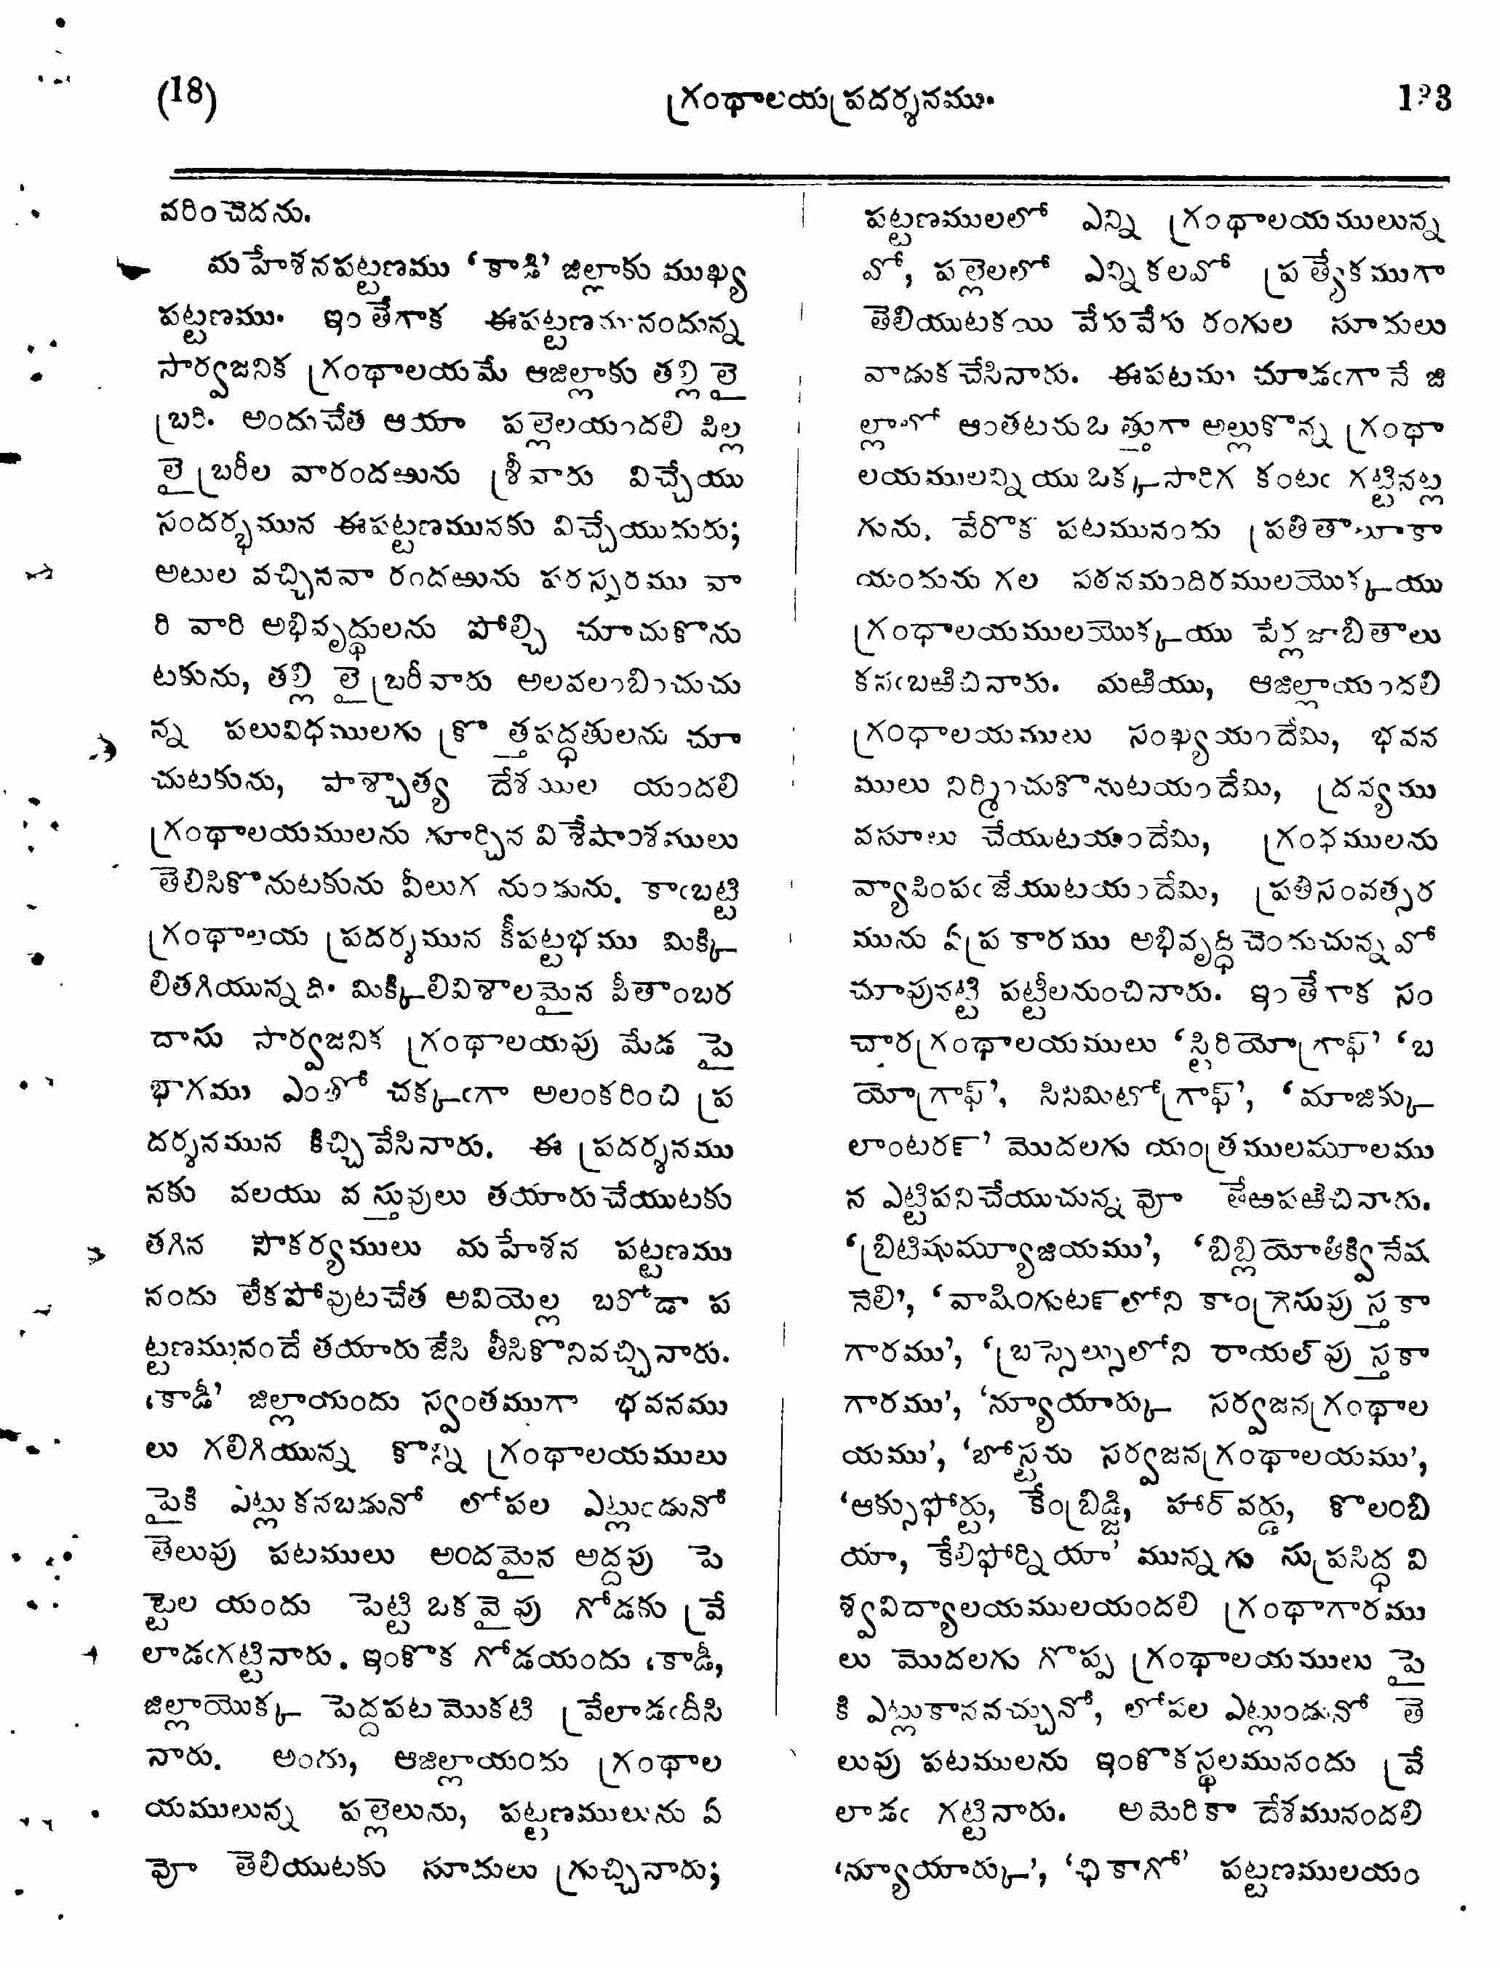వరించెదను.

మహేశనపట్టణము ‘కాడి' జిల్లాకు ముఖ్యపట్టణము. ఇంతేగాక ఈ పట్టణము నందున్న
సార్వజనిక గ్రంథాలయమే ఆజిల్లాకు తల్లి లైబ్రరి. అందుచేత ఆయా పల్లెలయందలి పిల్ల
లైబ్రరీల వారందఱును శ్రీవారు విచ్చేయు సందర్భమున ఈ పట్టణమునకు విచ్చేయుదురు;
అటులు వచ్చినవారందఱును పరస్పరము వారి వారి అభివృద్ధులను పోల్చి చూచుకొనుటకును, తల్లి లైబ్రరీ వారు అవలంబించుచున్న పలువిధములగు క్రొత్తపద్ధతులను చూచుటకును, పాశ్చాత్య దేశముల యందలి గ్రంథాలయములను గూర్చిన విశేషాంశములు తెలిసికొనుటకును వీలుగ నుండును. కాఁబట్టి గ్రంథాలయ ప్రదర్శనమునకీ పట్టణము మిక్కిలితగియున్నది. మిక్కిలివిశాలమైన పీతాంబర దాను సార్వజనిక గ్రంథాలయపు మేడ పైభాగము ఎంతో చక్కఁగా అలంకరించి ప్రదర్శనమున కిచ్చి వేసినారు. ఈ ప్రదర్శనమునకు వలయు వస్తువులు తయారు చేయుటకు తగిన సౌకర్యములు మహేశన పట్టణము నందు లేకపోవుటచేత అవియెల్ల బరోడా పట్టణమునందే తయారు జేసి తీసికొనివచ్చినారు.

'కాడీ' జిల్లాయందు స్వంతముగా భవనములు గలిగియున్న కొన్ని గ్రంథాలయములు పైకి ఎట్లు కనబడునో లోపల ఎట్లుఁడునో
తెలుపు పటములు అందమైన అద్దపు పెట్టెల యందు పెట్టి ఒక వైపు గోడకు వేలాడఁగట్టినారు. ఇంకొక గోడయందుఁ 'కాడీ'
జిల్లా యొక్క పెద్దపటమొకటి వ్రేలాడఁదీసినారు. అందు, ఆజిల్లాయంను గ్రంథాల
యములున్న పల్లెలును, పట్టణములును ఏవో తెలియుటకు సూదులు గ్రుచ్చినారు;
పట్టణములలో ఎన్ని గ్రంథాలయములున్నవో, పల్లెలలో ఎన్నికలవో ప్రత్యేకముగా
తెలియుటకయి వేరువేరు రంగుల సూదులు 
వాడుక చేసినారు. ఈ పటము చూడఁగానే జిల్లాలో అంతటకు ఒత్తుగా అల్లుకొన్న గ్రంథాలయములన్నియు ఒక్కసారిగ కంటఁ గట్టినట్లగును, వేరొక పటమునందు ప్రతి తాలూకాయందును గల పఠనమందిరముల యొక్కయు గ్రంథాలయముల యొక్కయు పేర్ల జాబితాలు కనఁబఱిచినారు. మఱియు, ఆజిల్లా యందలి
గ్రంథాలయములు సంఖ్యయందేమి, భవనములు నిర్మించుకొనుటయందేమి, ద్రవ్యము వసూలు చేయుటయందేమి, గ్రంధములను
వ్యాపింపఁ జేయుటయందేమి, ప్రతిసంవత్సరమును ఏ ప్రకారము అభివృద్ధి చెంగుచున్నవో చూపునట్టి పట్టీలనుంచినారు. ఇంతేగాక సంచారగ్రంథాలయములు 'స్టీరియోగ్రాఫ్' 'బయోగ్రాఫ్', సిసిమిటోగ్రాఫ్', 'మాజిక్కులాంటర౯' మొదలగు యంత్రములమూలమున ఎట్టిపనిచేయుచున్నవో తేఱపఱిచినారు.
'బ్రిటిషుమ్యూజియము', 'బిబ్లియోలిక్వినేషనేలి', 'వాషింగుట౯ లోని కాంగ్రెసు పుస్తకాగారము', 'బ్రస్సెల్సులోని రాయల్పుస్తకాగారము', 'న్యూయార్కు సర్వజనగ్రంథాలయము', 'బోస్టను సర్వజన గ్రంథాలయము',
'ఆక్సుఫోర్టు, కేంబ్రిడ్జి, హార్వర్డు, కొలంబియా, `కేలిఫోర్నియా' మున్నగు సుప్రసిద్ధ విశ్వవిద్యాలయములయందలి గ్రంథాగారములు మొదలగు గొప్ప గ్రంథాలయములు పైకి ఎట్లు కానవచ్చునో, లోపల ఎట్లుండునో తెలుపు పటములను ఇంకొక స్థలమునందు వ్రేలాడఁ గట్టినారు. అమెరికా దేశమునందలి 'న్యూయార్కు', 'ఛికాగో' పట్టణములయం